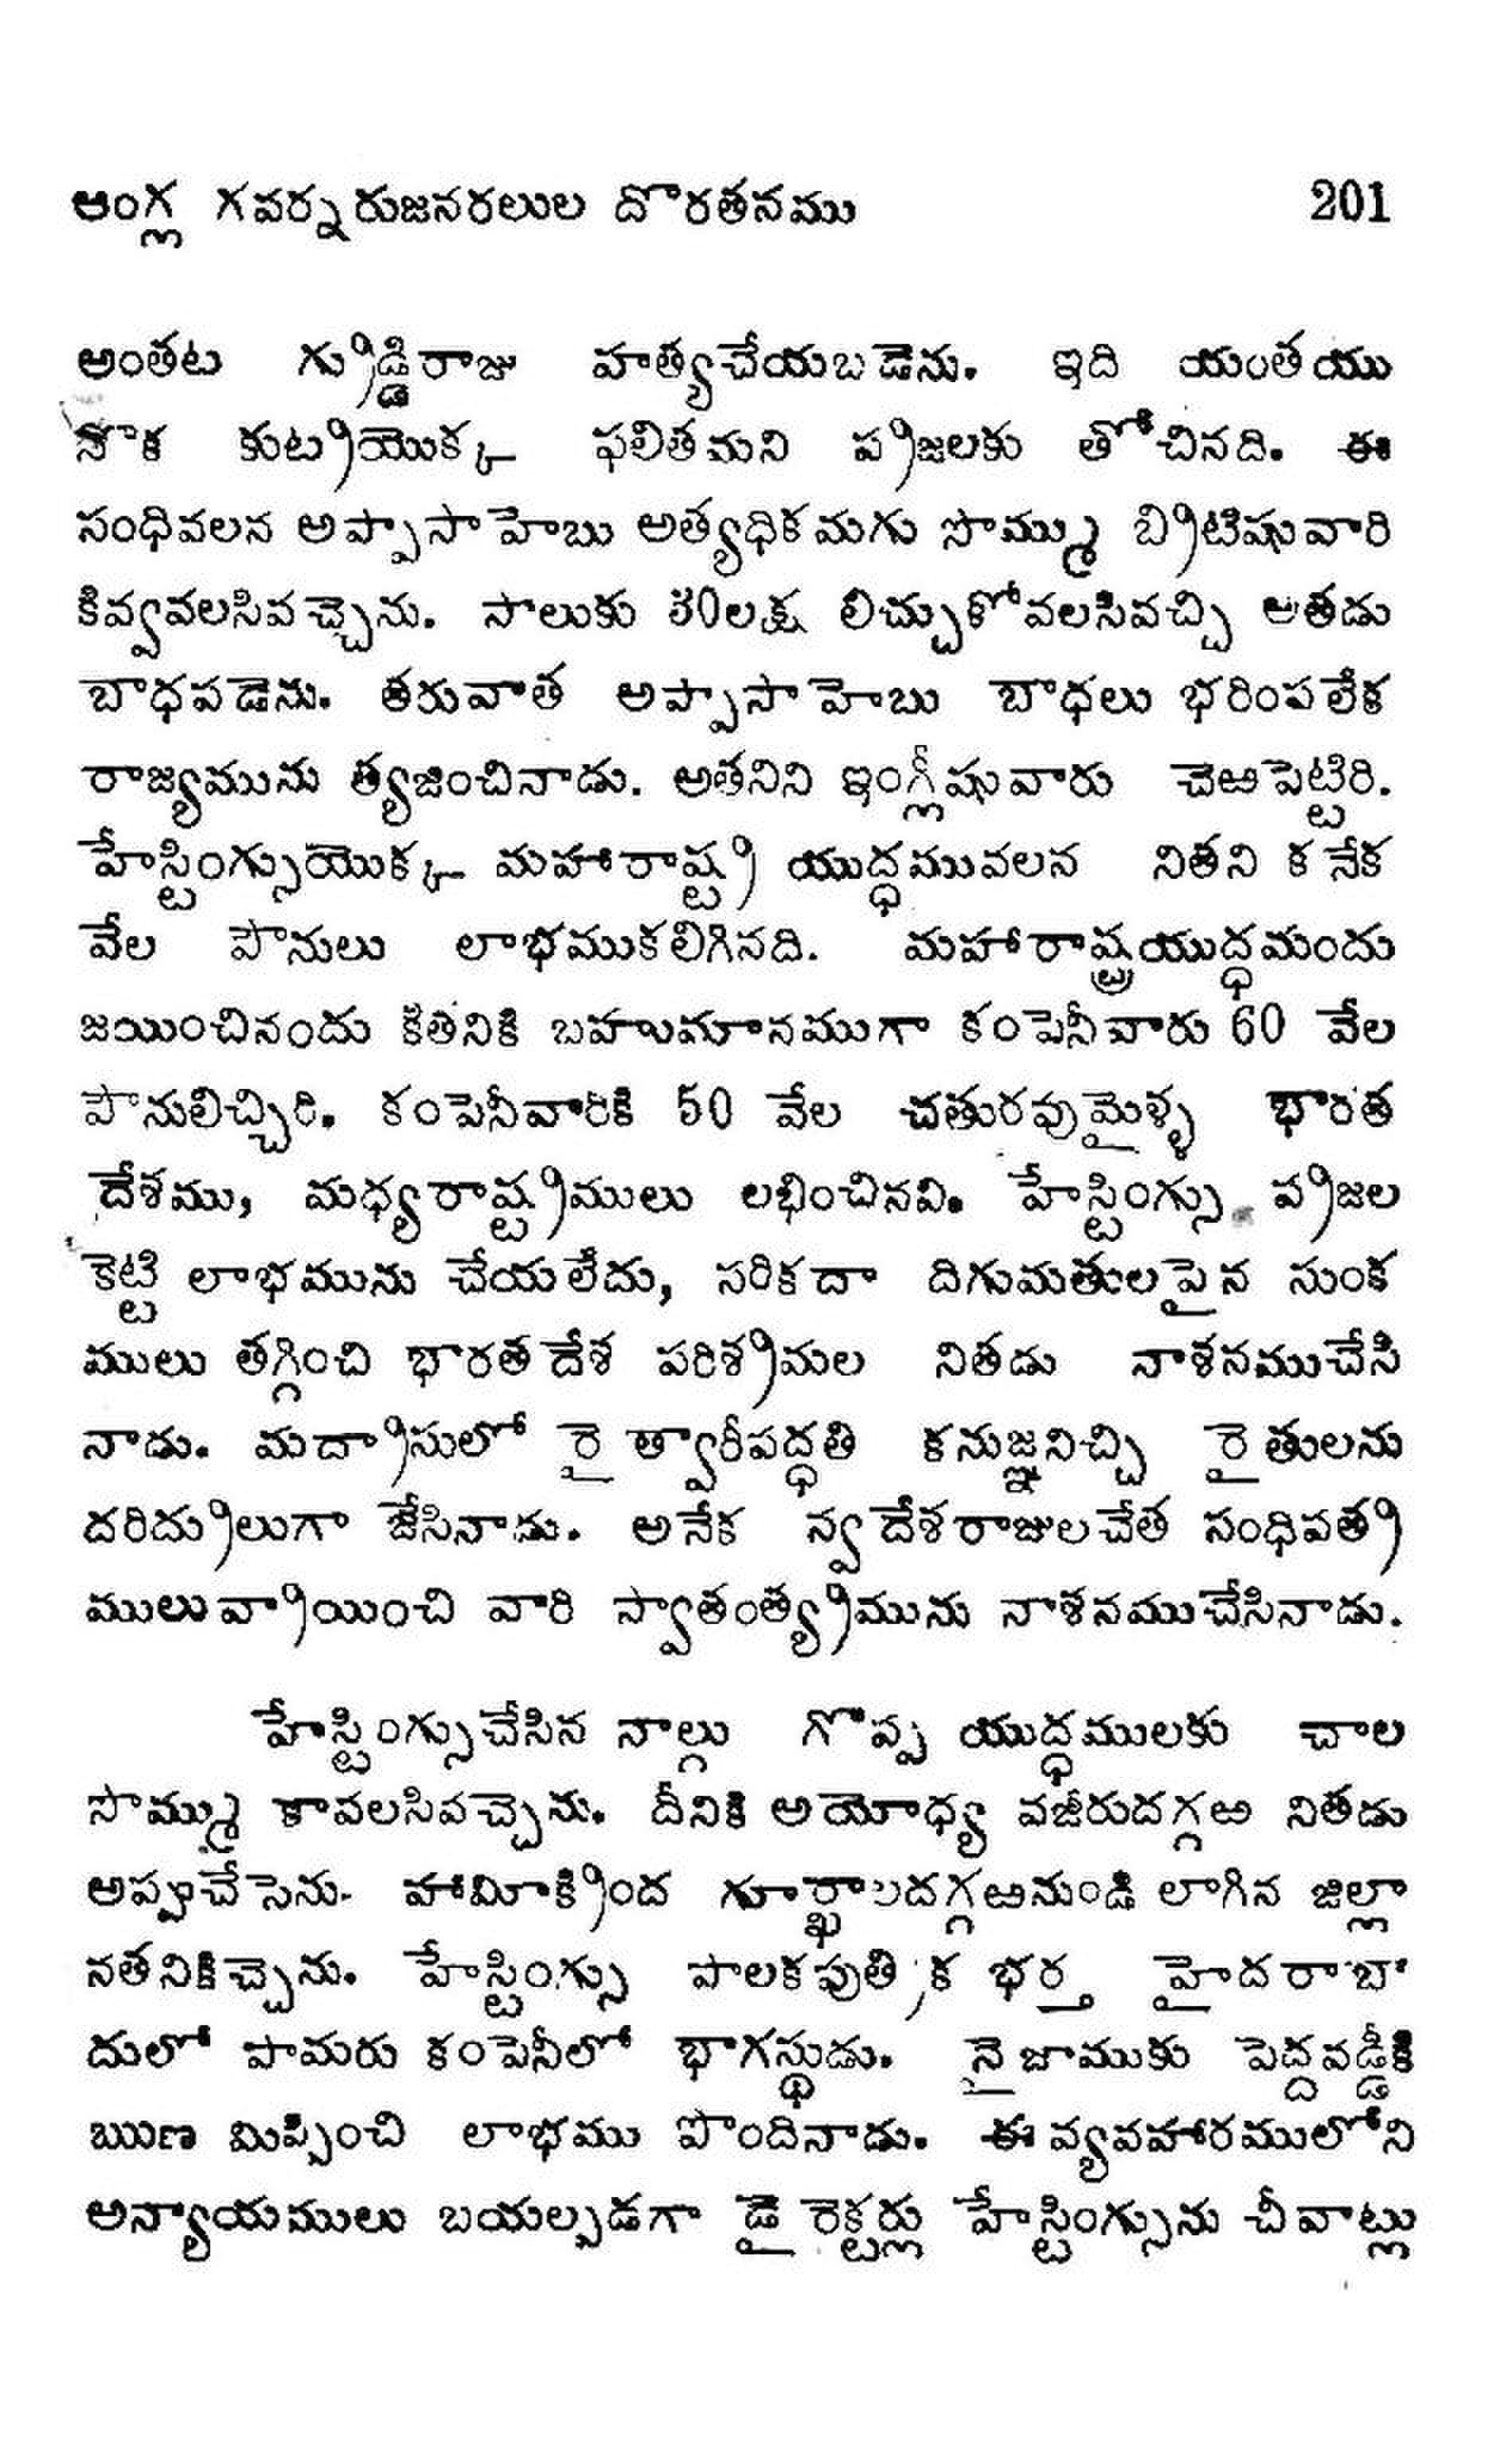అంతట గ్రుడ్డిరాజు హత్యచేయబడెను. ఇది యంతయు నొక కుట్రయొక్క ఫలితమని ప్రజలకు తోచినది. ఈ సంధివలన అప్పాసాహేబు అత్యధికమగు సొమ్ము బిటిషువారి కివ్వవలసివచ్చెను. సాలుకు 30లక్ష లిచ్చుకోవలసివచ్చి అతడు బాధపడెను. తరువాత అప్పాసాహెబు బాధలు భరింపలేక రాజ్యమును త్యజించినాడు. అతనిని ఇంగ్లీషువారు చెఱపెట్టిరి. హేస్టింగ్సుయొక్క మహారాష్ట్ర యుద్దమువలన నితని కనేక వేల పౌనులు లాభముకలిగినది. మహారాష్ట్రయుద్దమందు జయించినందు కితినికి బహుమానముగా కంపెనీవారు 60 వేల పౌనులిచ్చిరి. కంపెనీవారికి 50 వేల చతురవు మైళ్ళ భారతదేశము, మధ్యరాష్ట్రములు లభించినవి. హేస్టింగ్సు ప్రజల కెట్టి లాభమును చేయలేదు, సరికదా దిగుమతులపైన సుంకములు తగ్గించి భారతదేశ పరిశ్రమల నితడు నాశనముచేసినాడు. మద్రాసులో రైత్వారీపద్దతి కనుజ్ఞనిచ్చి రైతులను దరిద్రులుగా జేసినాడు. అనేక న్వదేశరాజులచేత సంధిపత్రములువ్రాయించి వారి స్వాతంత్య్రమును నాశనము చేసినాడు.

హేస్టింగ్సుచేసిన నాల్గు గొప్ప యుద్ధములకు చాల సొమ్ము కావలసివచ్చెను. దీనికి అయోధ్య వజీరుదగ్గఱ నితడు అప్పుచేసెను. హామీక్రింద గూర్ఖాలదగ్గఱనుండి లాగిన జిల్లా నతనికిచ్చెను. హేస్టింగ్సు పాలకపుత్రిక భర్త హైదరాబాదులో పామరు కంపెనీలో భాగస్థుడు. నైజాముకు పెద్దవడ్డీకి ఋణ మిప్పించి లాభము పొందినాడు. ఈ వ్యవహారములోని అన్యాయములు బయల్పడగా డైరెక్టర్లు హేస్టింగ్సును చీవాట్లు